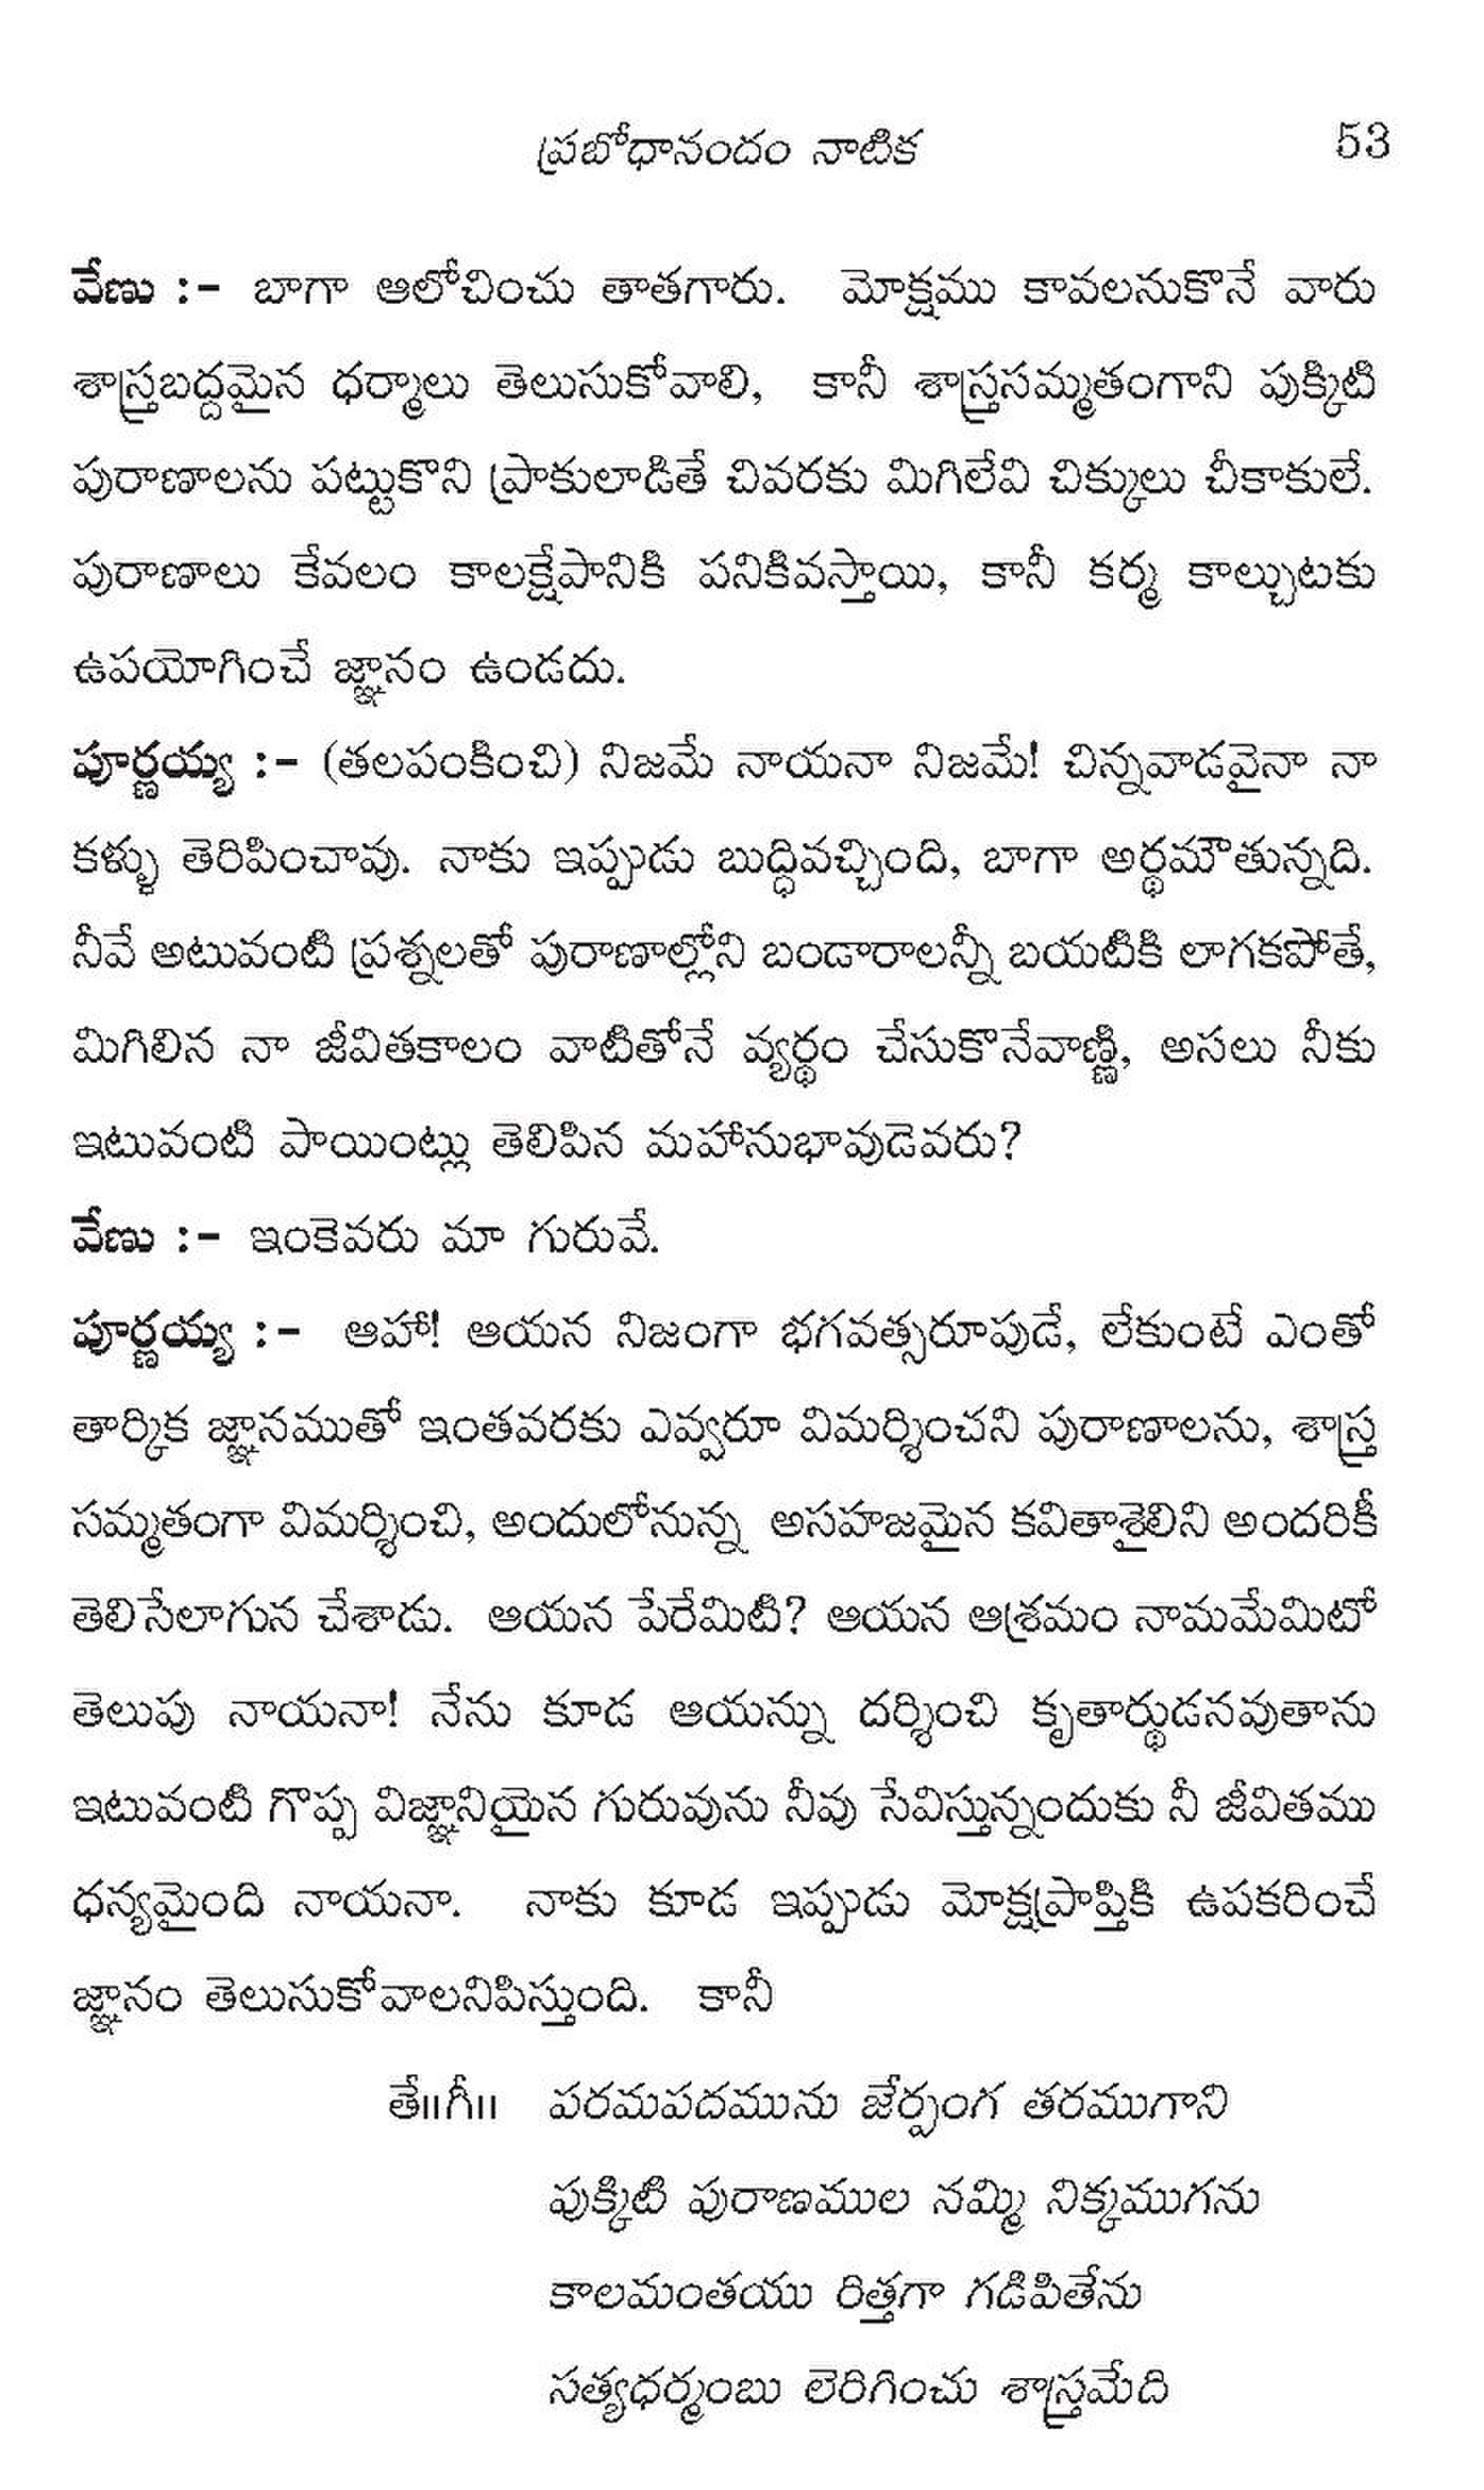వేణు :-	 బాగా ఆలోచించు తాతగారు. మోక్షము కావలనుకొనే వారు శాస్త్రబద్దమైన ధర్మాలు తెలుసుకోవాలి, కానీ శాస్త్రసమ్మతంగాని పుక్కిటి పురాణాలను పట్టుకొని ప్రాకులాడితే చివరకు మిగిలేవి చిక్కులు చీకాకులే. పురాణాలు కేవలం కాలక్షేపానికి పనికివస్తాయి, కానీ కర్మ కాల్చుటకు ఉపయోగించే జ్ఞానం ఉండదు.

పూర్ణయ్య :- (తలపంకించి) నిజమే నాయనా నిజమే! చిన్నవాడవైనా నా కళ్ళు తెరిపించావు. నాకు ఇప్పుడు బుద్ధివచ్చింది, బాగా అర్థమౌతున్నది. నీవే అటువంటి ప్రశ్నలతో పురాణాల్లోని బండారాలన్నీ బయటికి లాగకపోతే, మిగిలిన నా జీవితకాలం వాటితోనే వ్యర్థం చేసుకొనేవాణ్ణి, అసలు నీకు ఇటువంటి పాయింట్లు తెలిపిన మహానుభావుడెవరు?

వేణు :-	 ఇంకెవరు మా గురువే.

పూర్ణయ్య :- ఆహా! ఆయన నిజంగా భగవత్సరూపుడే, లేకుంటే ఎంతో తార్కిక జ్ఞానముతో ఇంతవరకు ఎవ్వరూ విమర్శించని పురాణాలను, శాస్త్ర సమ్మతంగా విమర్శించి, అందులోనున్న అసహజమైన కవితాశైలిని అందరికీ తెలిసేలాగున చేశాడు. ఆయన పేరేమిటి? ఆయన ఆశ్రమం నామమేమిటో తెలుపు నాయనా! నేను కూడ ఆయన్ను దర్శించి కృతార్థుడనవుతాను ఇటువంటి గొప్ప విజ్ఞానియైన గురువును నీవు సేవిస్తున్నందుకు నీ జీవితము ధన్యమైంది నాయనా. నాకు కూడ ఇప్పుడు మోక్షప్రాప్తికి ఉపకరించే జ్ఞానం తెలుసుకోవాలనిపిస్తుంది. కానీ